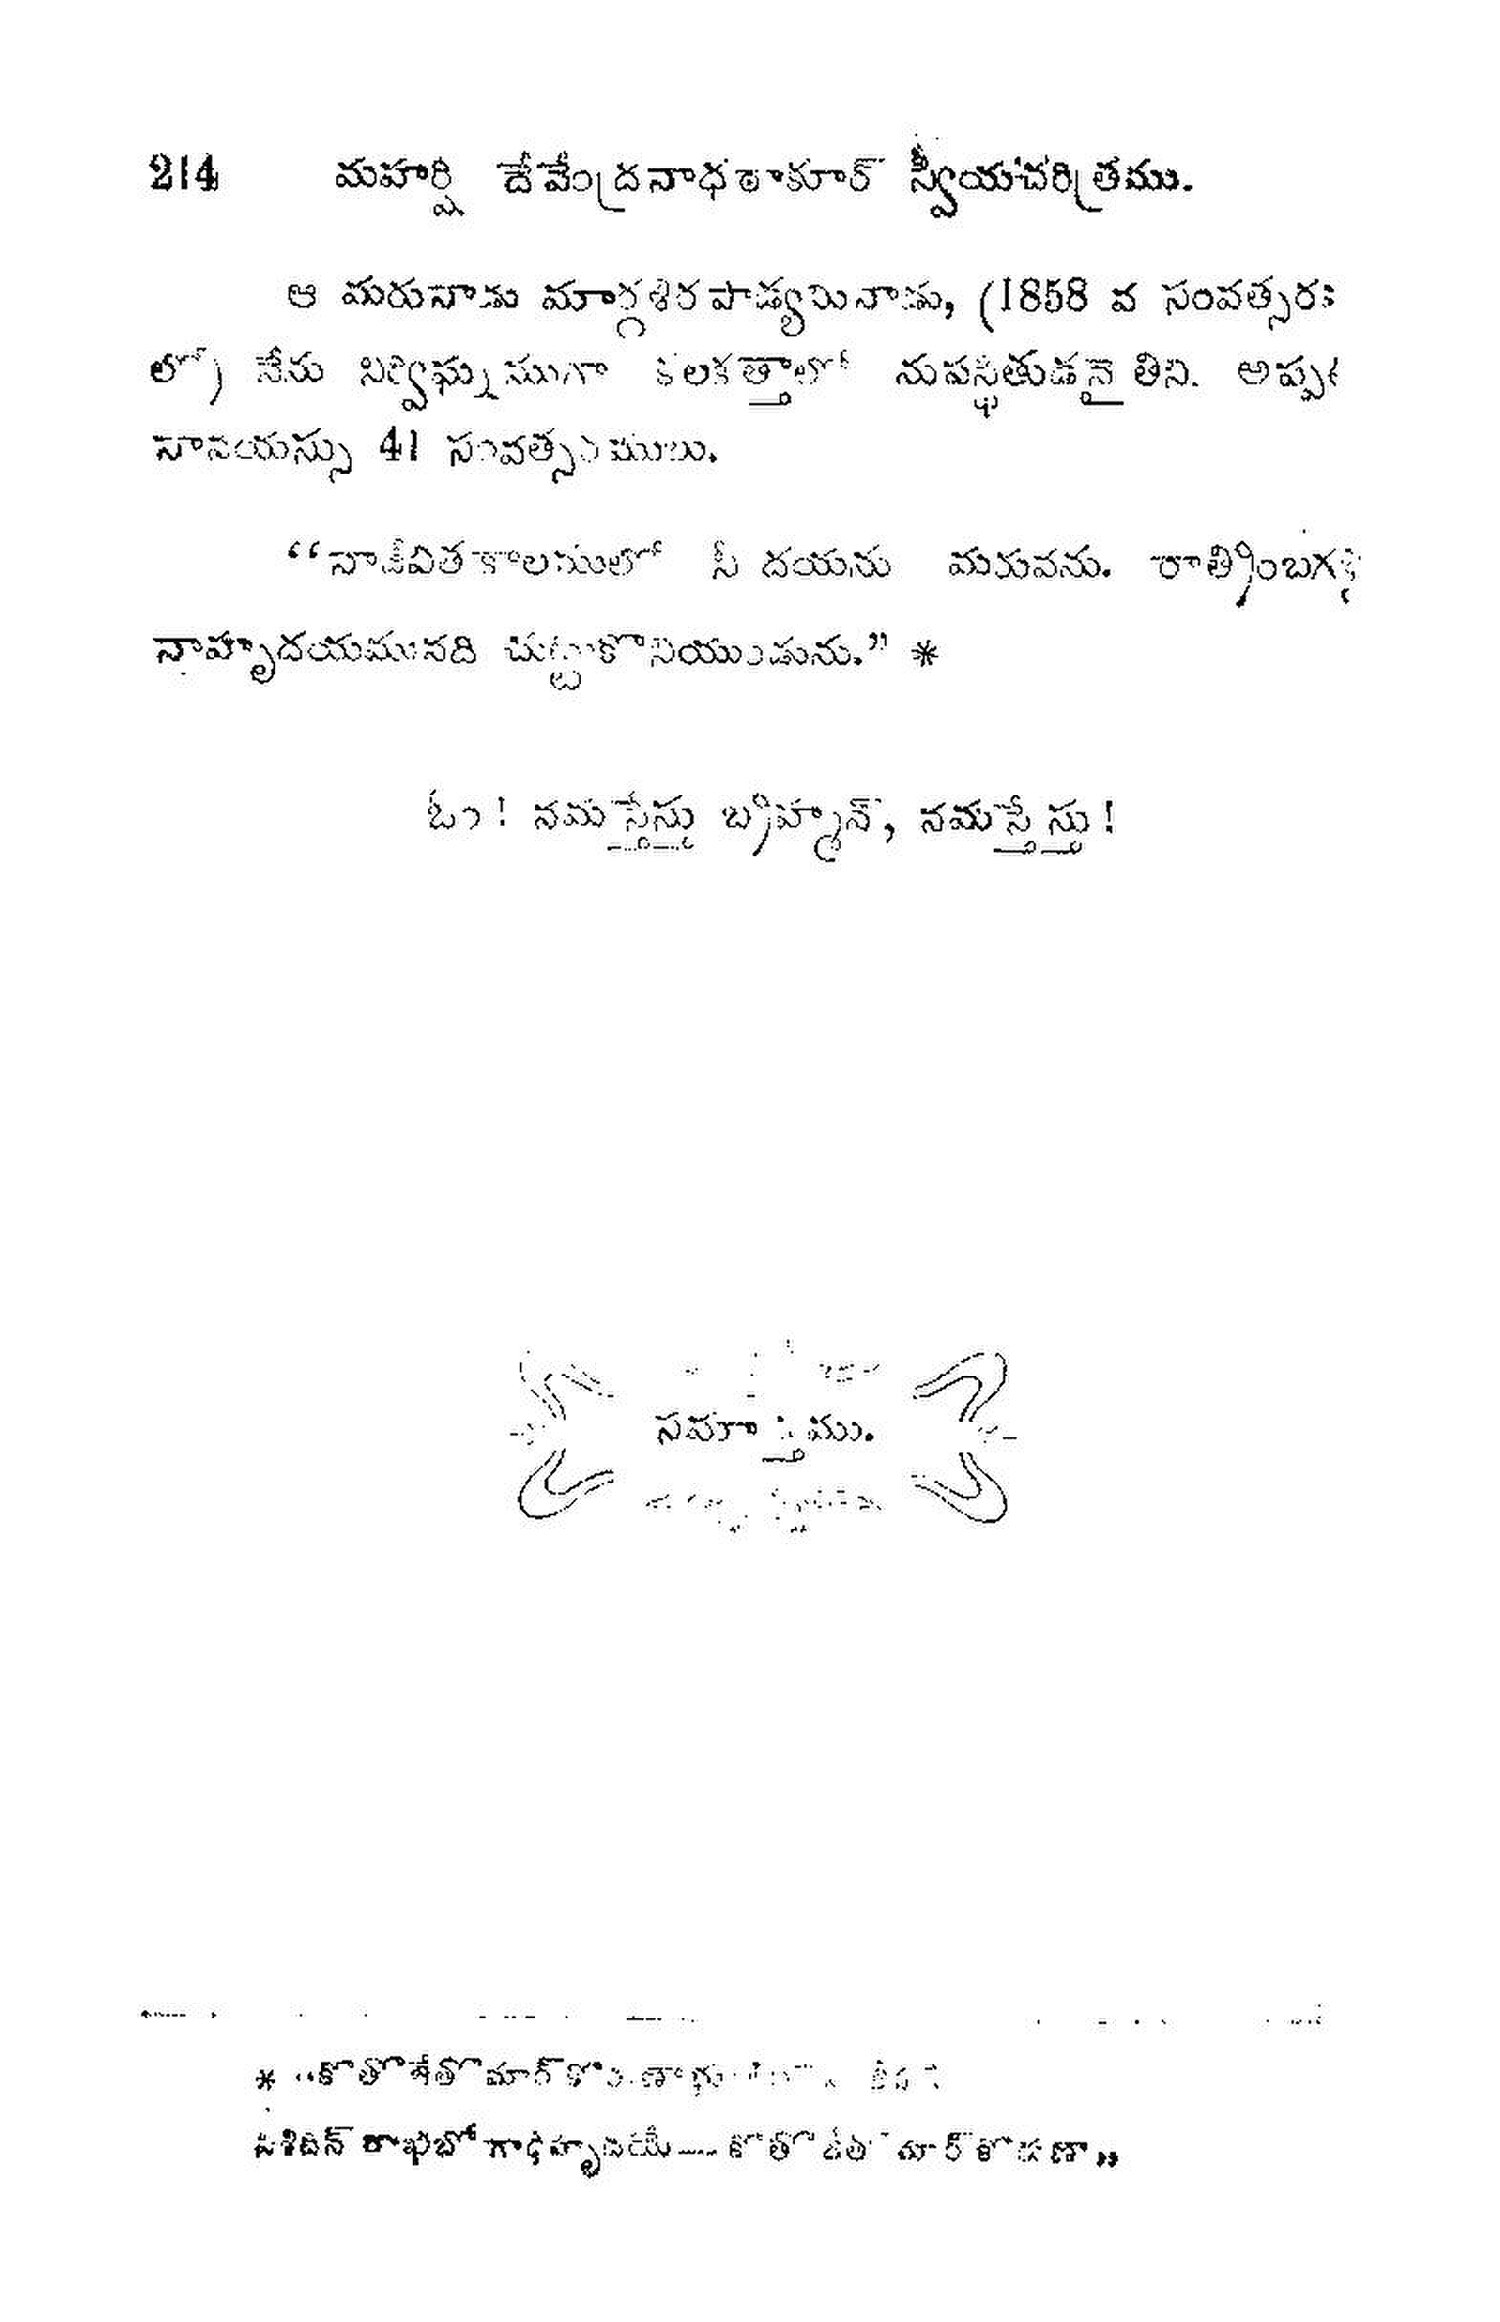ఆ మరునాడు మార్గశిర పాడ్యమినాడు, (1858 వ సంవత్సరంలో
నేను నిశ్విఘ్నముగా కలకత్తాలో నుపస్థితుడ నైతిని. అప్పుడు !
నానయుస్సు 41 సంవత్సరములు.

“ నా జీవిత కాలములో సీ దయను మరువను. రాత్రింబగ
నాహృదయము: నది చుట్టు కొనియుండును.” *

ఓం! నమస్తేస్తు బ్రహ్మన్ నమస్తేస్తు !

 "